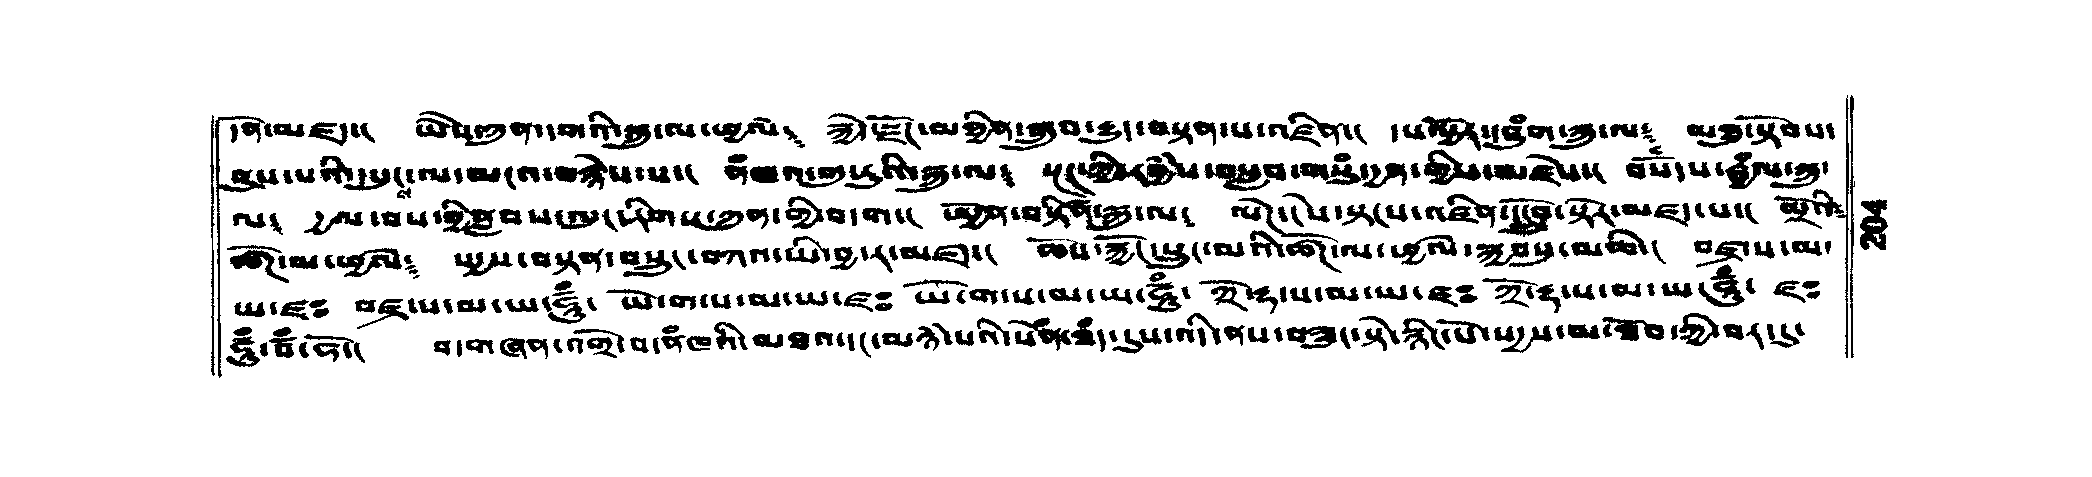དོན་མཛད། །ཡེ་ཤེས་ཀུན་དགའི་སྐུ་ལ་ཕྱག་འཚལ་༴ བསྐྱེད་རྫོགས་མཐར་ཕྱིན་སྒྲུབ་རྒྱུད་བསྟན་པ་འཛིན། །དཔལ་འབྱོར་དབང་ཕྱུག་སྐུ་ལ་༴ མཐུ་སྟོབས་
ནུས་པའི་དཔུང་ལ་མངའ་བརྙེས་པ། །ནམ་མཁའ་གུ་རུའི་སྐུ་ལ་༴ སྔགས་ཀྱི་རབ་འབྱམས་བསླབས་གསུམ་རྒྱན་གྱིས་མཛེས། །བསོད་ནམས་རབ་རྒྱལ་སྐུ་
ལ་༴ རྒྱལ་བས་བྱིན་རླབས་ལུང་རིགས་ཀུན་གྱི་བདག་ཨོ་རྒྱན་བསྟན་འཛིན་སྐུ་ལ་༴ ལེགས་ངེས་སྟངས་འཛིན་དངོས་གྲུབ་སྟེར་མཛད་པ། །མཁའ་འགྲོའི་
ཚོགས་ལ་ཕྱག་འཚལ་༴ སངས་རྒྱས་བསྟན་བསྲུང་བཀའ་ཡི་བྱ་ར་མཛད། །ཆོས་སྐྱོང་སྲུང་མའི་ཚོགས་ལ་ཕྱག་འཚལ་སྐྱབས་སུ་མཆི། །བཛྲ་ས་མ་
ཡ་ཛཿ བཛྲ་ས་མ་ཡ་ཧཱུྃ། ཡོ་ག་ས་མ་ཡ་ཛཿ ཡོ་ག་ས་མ་ཡ་ཧཱུྃ། ཀྲོ་དྷ་ས་མ་ཡ་ཛཿ ཀྲོ་དྡྷ་ས་མ་ཡ་ཧཱུྃ། ཛཿ
ཧཱུྃ་བྃ་ཧོ། བདག་གཞན་འགྲོ་བ་ནམ་མཁའ་དང་མཉམ་པའི་སེམས་ཅན་ཐམས་ཅད་དུས་འདི་ནས་བཟུང་སྟེ་སྙིང་པོ་སངས་རྒྱས་མ་ཐོབ་ཀྱི་བར་དུ།